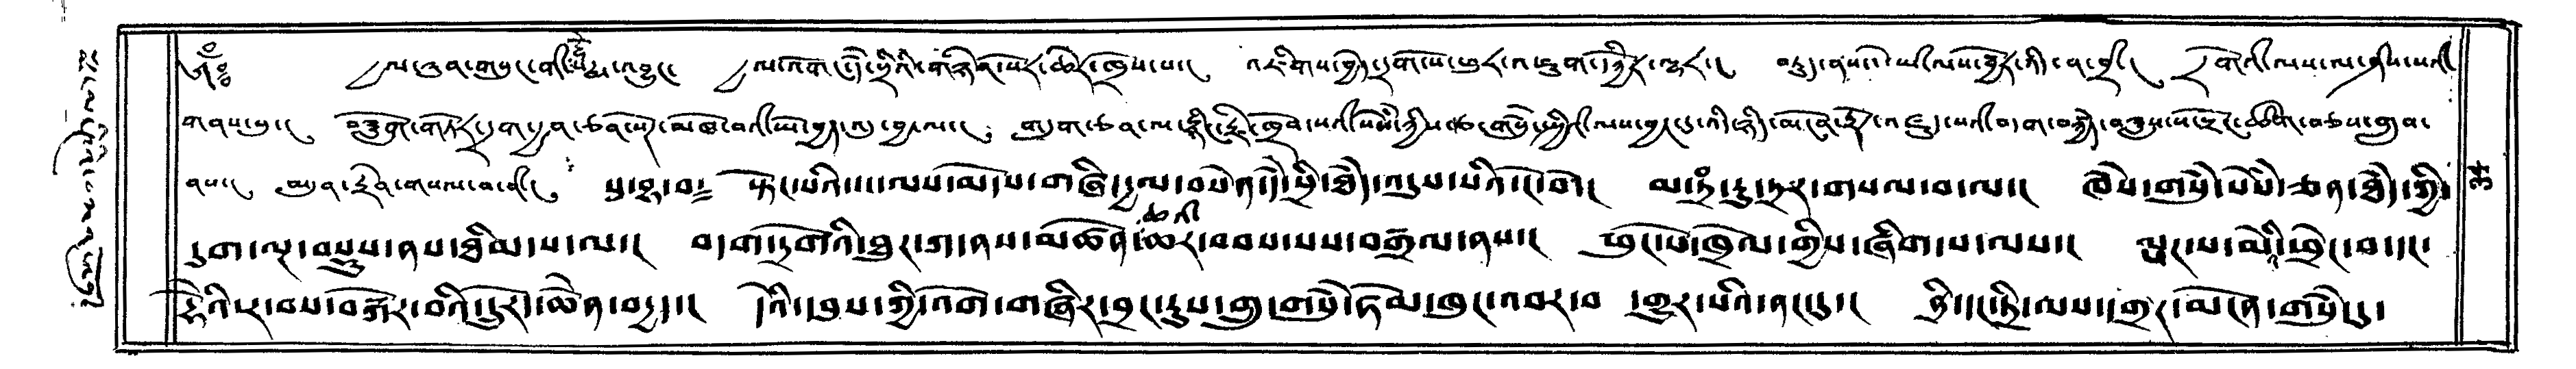༄༅། རྒྱལ་ཀུན་གསུང་གི་རྡོ་རྗེ་པདྨ་འབྱུང་། །རྒྱལ་འགོང་དམ་སྲིའི་གཉེན་པོར་ཆེར་ཁྲོས་པ། །འཇིགས་བྱེད་དྲག་པོ་ཕུར་འཇུག་དཀྱིལ་འཁོར་ལྷར། བཏུད་ནས་དེ་ཡི་ལས་སྦྱོར་འདི་ན་བྲི། །དྲག་པོའི་ལས་ལ་ཤིས་པའི་
གནས་སུ། བཟློག་གཏོར་དྲག་རྒྱན་ཅན་སོགས་མཁོ་བའི་ཡོ་བྱད་འདུ་བྱས་ལ། གདུག་ཅན་ལ་རྙིང་རྗེས་ཁྲོས་པའི་སེམས་ཀྱིས་རྩ་གསུམ་སྤྱིའི་ལས་བྱང་དུ་འདི་ཉིད་ཀྱི་མངོན་རྟོགས་བཙུད་པའི་བདག་བསྐྱེད་བཟླས་པ་སྟོང་ཚིག་བཅས་གྲུབ་
ནས། མདུན་རྟེན་གསལ་བ་ནི། སྭ་བྷ་བ༴ སྟོང་པའི་ངང་ལས་མདོས་གཞི་རྒྱལ་བསེན་དམ་སྲི་ཐམས་ཅད་འདུས་པའི་ངོ་བོ་མ་ཏྲཾ་རུ་ཏྲར་གསལ་བ་ལ། ཁམས་གསུམ་སེམས་ཅན་ཐམས་ཅད་ཀྱི་
དུག་ལྔ་བསྡུས་ནས་ཐིམ་པ་ལ། བདག་ཉིད་དྲག་པོའི་ཐུགས་ཀ་ནས་མཚོན་ཆའི་ཆར་བབས་པས་བསྒྲལ་ནས། ཕུང་པོ་ཁྲོལ་གྱིས་ཞིག་པ་ལས། ལྤགས་པ་མེའི་ཕྲེང་བ་དང་
རྡོ་རྗེའི་རྭ་བས་བསྐོར་བའི་དུར་ཁྲོད་་ཆེན་པོ་བརྒྱད། དེའི་དབུས་ཀྱི་འོག་གཞིར་བྲང་རུས་གྲུ་གསུམ་ཧོམ་ཁུང་འབར་བར་གྱུར་པའི་ནང་དུ། ནྲི་དང་ཏྲི་ལས་དགྲ་བགེགས་མངོན་གསུམ་དུ་